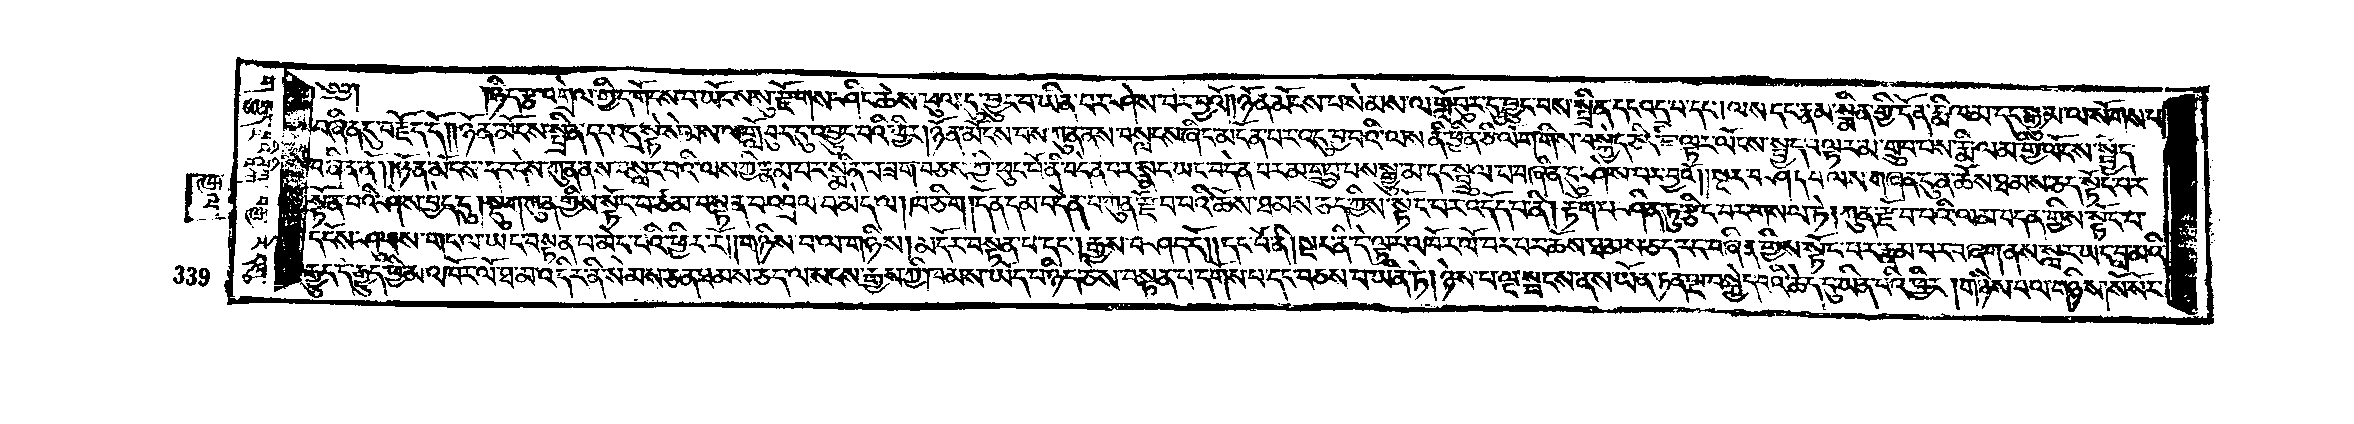༄༅། །ཉིད་རྩ་འགྲེལ་གྱི་དགོངས་པ་ཡོངས་སུ་རྫོགས་ཤིང་ཆོས་ཕུལ་དུ་བྱུང་བ་ཡིན་པར་ཤེས་པར་བྱའོ། །ཉོན་མོངས་པ་སེམས་ལ་གློ་བུར་དུ་བྱུང་བས་སྤྲིན་དང་འདྲ་བ་དང་། ལས་དང་རྣམ་སྨིན་གྱི་དོན་རྨི་ལས་དང་སྒྱུ་མ་ལ་སོགས་པ་
བཞིན་དུ་བརྗོད་དོ། །ཉོན་མོངས་སྤྲིན་དང་འདྲ་སྟེ་སེམས་ལ་གློ་བུར་དུ་འབྱུང་བའི་ཕྱིར། ཉོན་མོངས་པས་ཀུན་ནས་བསླངས་ཞིང་མངོན་པར་འདུ་བྱ་བའི་ལས་ནི་ཕྱིན་ཅི་ལོག་གིས་བསྐྱེད་ཅིང་ཇི་ལྟར་ལོངས་སྤྱད་བལྟར་མ་གྲུབ་པས་རྨི་ལམ་གྱི་ལོངས་སྤྱོད་
བཞིན་ནོ། །ཉོན་མོངས་དང་དེས་ཀུན་ནས་བསླང་བའི་ལས་ཀྱི་རྣམ་པར་སྨིན་པ་ཟག་བཅས་ཀྱི་ཕུང་པོ་ནི་བདེན་པར་སྣང་ཡང་བདེན་པར་མ་གྲུབ་པས་སྒྱུ་མ་དང་སྤྲུལ་པ་བཞིན་དུ་ཤེས་པ་བྱའོ། །སྔར་བཤད་པ་ལས་གཞན་དུ་ན་ཆོས་ཐམས་ཅད་སྟོང་པར་
སྟོན་པའི་ཤེས་བྱེད་དུ། སྡུག་ཀུན་གྱིས་སྟོང་པ་ཙམ་བསྟན་པ་འབྲེལ་པ་མེད་ལ། ཁ་ཅིག །དོན་དམ་བདེན་པ་ཀུན་རྫོབ་པའི་ཆོས་ཐམས་ཅད་ཀྱིས་སྟོང་པར་འདོད་པ་ནི། རྟོག་པ་ཤིན་ཏུ་རྩིང་བར་གསལ་ཏེ། ཀུན་རྫོབ་པའི་ལམ་བདན་གྱིས་སྟོང་པ་
དངོས་ཤུགས་གང་ལ་ཡང་བསྟན་པ་མེད་པའི་ཕྱིར་རོ། །གཉིས་པ་ལ་གཉིས། མདོར་བསྟན་པ་དང་། རྒྱས་བཤད་དོ། །དང་པོ་ནི། སྔར་ནི་དེ་ལྟར་འཁོར་ལོ་བར་པར་ཆོས་ཐམས་ཅད་རང་བཞིན་གྱིས་སྟོང་པར་རྣམ་པར་བཞག་ནས་སླར་ཡང་བླ་མའི་
རྒྱུད་དེ་རྒྱུད་ཕྱི་མ་འཁོར་ལོ་ཐ་མ་འདིར་ནི་སེམས་ཅན་ཐམས་ཅད་ལ་སངས་རྒྱས་ཀྱི་ཁམས་ཡོད་པ་ཉིད་ཅེས་བསྟན་པ་དགོས་པ་དང་བཅས་པ་ཡིན་ཏེ། ཉེས་པ་ལྔ་སྤངས་ནས་ཡོན་ཏན་ལྔ་བསྐྱེད་པའི་ཆེད་དུ་ཡིན་པའི་ཕྱིར། གཉིས་པ་ལ་གཉིས། སོ་སོར་